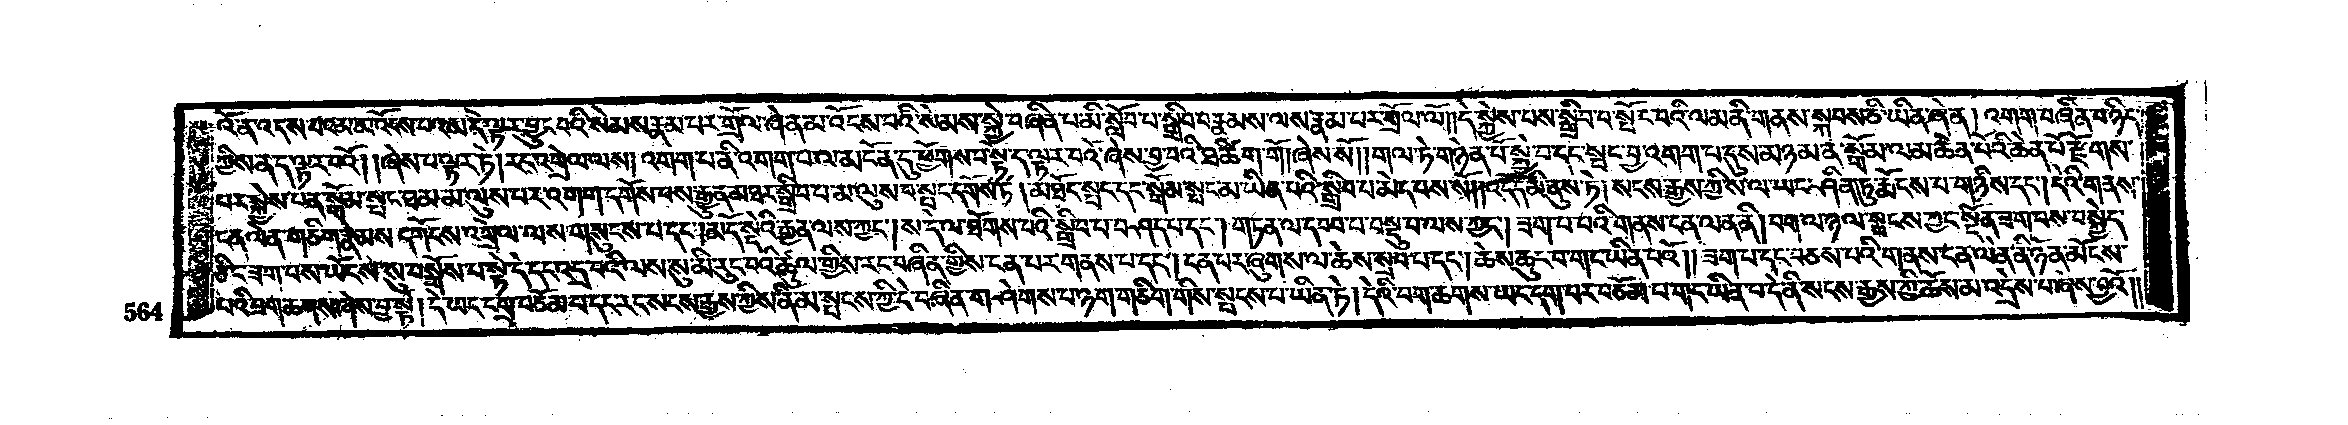འོ་ན་འདས་པའམ་མ་འོངས་པའམ་ད་ལྟར་བྱུང་བའི་སེམས་རྣམ་པར་གྲོལ་ཞེ་ན་མ་འོངས་པའི་སེམས་སྐྱེ་བཞིན་པ་མི་སློབ་པ་སྒྲིབ་པ་རྣམས་ལས་རྣམ་པར་གྲོལ་ལོ། །དེ་སྐྱེས་པས་སྒྲིབ་པ་སྤོང་བའི་ལམ་ནི་གནས་སྐབས་ཅི་ཡིན་ཞེ་ན། འགག་བཞིན་པ་ཉིད་
ཀྱིས་ན་ད་ལྟར་བའོ། །ཞེས་པ་ལྟར་ཏེ། རང་འགྲེལ་ལས། འགག་པ་ནི་འགག་པ་ལ་མངོན་དུ་ཕྱོགས་པ་སྟེ་དེ་ལྟར་བའོ་ཞེས་བྱ་བའི་ཐ་ཚིག་གོ །ཞེས་སོ། །གལ་ཏེ་གཉེན་པོ་སྐྱེ་བ་དང་སྤང་བྱ་འགག་པ་དུས་མཉམ་ན་སྒོམ་ལམ་ཆེན་པོའི་ཆེན་པོ་རྫོགས་
པར་སྐྱེས་པ་ན་སྒོམ་སྤང་ཐ་མ་མ་ལུས་པར་འགག་དགོས་པས་རྒྱུན་མཐར་སྒྲིབ་པ་མ་ལུས་པ་སྤང་དགོས་ཏེ། མཐོང་སྤང་དང་སྒོམ་སྤང་མ་ཡིན་པའི་སྒྲིབ་པ་མེད་པས་སོ། །འདོད་མི་ནུས་ཏེ། སངས་རྒྱས་ཀྱི་ས་ལ་ཡང་ཤིན་ཏུ་རྨོངས་པ་གཉིས་དང་། དེའི་གནས་
ངན་ལེན་གཅིག་རྣམས་དགོངས་འགྲེལ་ལས་གསུངས་པ་དང་། མདོ་སྡེའི་རྒྱན་ལས་ཀྱང་། ས་དེ་ལ་ཐོགས་པའི་སྒྲིབ་པ་བཤད་པ་དང་། གཏན་ལ་དབབ་པ་བསྡུ་བ་ལས་ཀྱང་། ཟག་པ་པའི་གནས་ངན་ལན་ནི། བག་ལ་ཉལ་སྤངས་ཀྱང་སྔོན་ཟག་པས་བསྐྱེད་
ཅིང་ཟག་པས་ཡོངས་སུ་བསྒོས་པ་སྟེ་དེ་དང་འདྲ་བའི་ལས་སུ་མི་རུང་བའི་ཚུལ་གྱིས་རང་བཞིན་གྱིས་ངན་པར་གནས་པ་དང་། ངན་པར་ཞུགས་ལ་ཆེས་སྲབ་པ་དང་། ཆེས་ཆུང་བ་གང་ཡིན་པའོ། །ཟག་པ་དང་བཅས་པའི་གནས་ངན་ལེན་ནི་ཉོན་མོངས་
པའི་བག་ཆགས་ཞེས་བྱ་སྟེ། དེ་ཡང་དགྲ་བཅོམ་པ་དང་རང་སངས་རྒྱས་ཀྱིས་ནི་མ་སྤངས་ཀྱི་དེ་བཞིན་གཤེགས་པ་ཉག་གཅིག་གིས་སྤངས་པ་ཡིན་ཏེ། དེའི་བག་ཆགས་ཡང་དག་པར་བཅོམ་པ་གང་ཡིན་པ་དེ་ནི་སངས་རྒྱས་ཀྱི་ཆོས་མ་འདྲེས་པ་ཞེས་བྱའོ། །